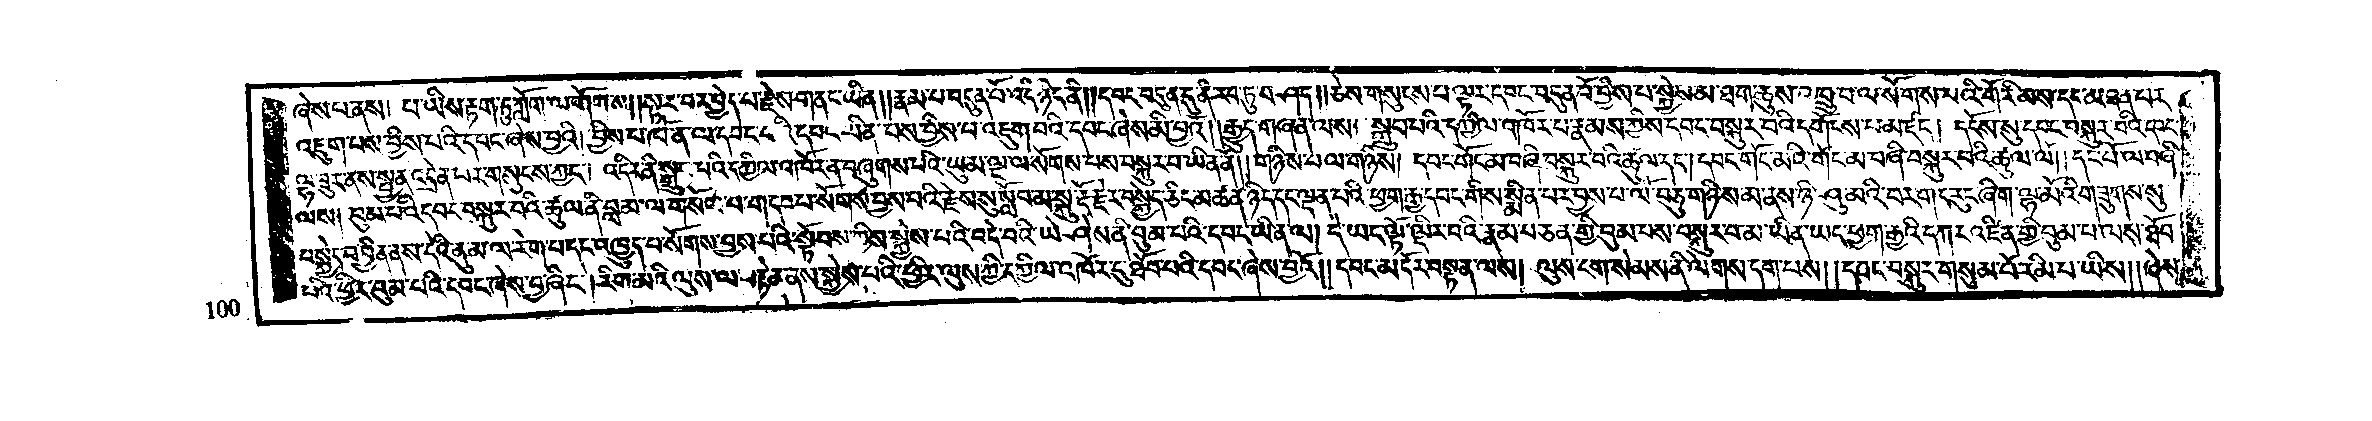ཞེས་པ་ནས། པ?་ཡིས་རྟག་ཏུ་ཀློག་ལ་གོགས། །སྟར་བར་བྱེད་པ་རྗེས་གནང་ཡིན། །རྣམ་པ་བདུན་པོ་འདི་ཉིད་ནི། །དབང་བདུན་དུ་ནི་རབ་ཏུ་བཤད། །ཅེས་གསུངས་པ་ལྟར་དབང་བདུན་པོ་བྱིས་པ་སྐྱེས་མ་ཐག་ཆུས་འཁྲུ་བ་ལ་སོགས་པའི་གོ་རིམས་དང་མཐུན་པར་
འཇུག་པས་བྱིས་པའི་དབང་ཞེས་བྱའི། བྱིས་པ་ཁོ་ན་ལ་དབང་བའི་དབང་ཡིན་པས་བྱིས་པ་འཇུག་པའི་དབང་ཞེས་མི་བྱའོ། །རྒྱུད་གཞན་ལས། སྒྲུབ་པའི་དཀྱིལ་འཁོར་པ་རྣམས་ཀྱིས་དབང་བསྐུར་བའི་དགོངས་པ་མཛད། དངོས་སུ་དབང་བསྐུར་བའི་དབང་
ལྷ་ཟུར་ནས་སྤྱན་འདྲེན་པར་གསུངས་ཀྱང་། འདིར་ནི་སྒྲུབ་པའི་དཀྱིལ་འཁོར་ན་བཞུགས་པའི་ཡུམ་ལྔ་ལ་སོགས་པས་བསྐུར་བ་ཡིན་ནོ། །གཉིས་པ་ལ་གཉིས། དབང་གོང་མ་བཞི་བསྐུར་བའི་ཚུལ་དང་། དབང་གོང་མའི་གོང་མ་བཞི་བསྐུར་བའི་ཚུལ་ལོ། །དང་པོ་ལ་བཞི་
ལས། བུམ་པའི་དབང་བསྐུར་བའི་ཚུལ་ནི་བླ་མ་ལ་གསོལ་བ་གདབ་པོ་སོགས་བྱས་པའི་རྗེས་སུ་སློབ་མ་སྐུ་རྡོ་རྗེར་བསྐྱེད་ཅིང་མཚན་ཉིད་དང་ལྡན་པའི་ཕྱག་རྒྱ་དབང་གིས་སྨིན་པར་བྱས་པ་ལོ་བཅུ་གཉིས་མ་ནས་ཉི་ཤུ་མའི་བར་གང་རུང་ཞིག་ལྷ་མོའི་གཟུགས་སུ་
བསྐྱེད་པ་བྱིན་ནས་དེའི་ནུ་མ་ལ་རེག་པ་དང་འཁྱུད་པ་སོགས་བྱས་པའི་སྟོབས་ཀྱིས་སྐྱེས་པའི་བདེ་བའི་ཡེ་ཤེས་ནི་བུམ་པའི་དབང་ཡིན་ལ། དེ་ཡང་ལྟོ་ལྡིར་བའི་རྣམ་པ་ཅན་གྱི་བུམ་པས་བསྐུར་བ་མ་ཡིན་ཡང་ཕྱག་རྒྱའི་དཀར་འཛིན་གྱི་བུམ་པ་ལས་ཐོབ་
པའི་ཕྱིར་བུམ་པའི་དབང་ཞེས་བྱ་ཞིང་། རིག་མའི་ལུས་ལ་བརྟེན་ནས་སྐྱེས་པའི་ཕྱིར་ལུས་ཀྱི་དཀྱིལ་འཁོར་དུ་ཐོབ་པའི་དབང་ཞེས་བྱའོ། །དབང་མདོར་བསྟན་ལས། ལུས་ངག་སེམས་ནི་ལེགས་དག་པས། །དབང་བསྐུར་གསུམ་པོ་རིམ་པ་ཡིས། །ཞེས་